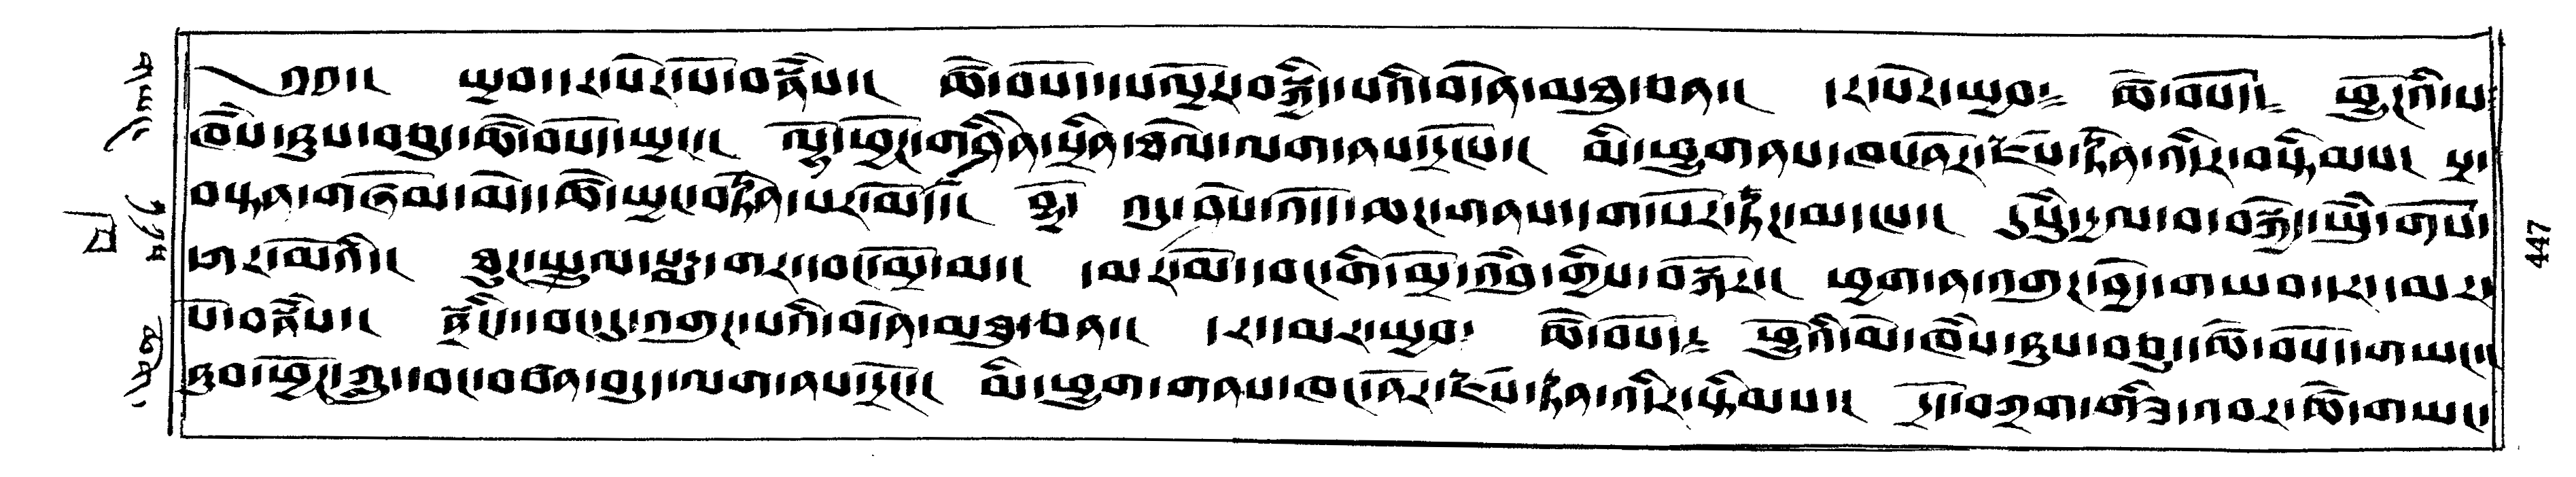གཡབ་དར་སེར་པོ་བསྣམས། །ཚེ་བསོད་དཔལ་འབྱོར་སྐྱེད་པའི་བདེན་མཐུ་ཅན། །དར་སེར་གཡབ༴ ཚེ་བསོད༴ ཕྱོགས་བཅུའྀ་ས་
ཁམས་ནུས་བཅུད་ཚེ་བསོད་གཡང་། །ལྷོ་ཕྱོགས་གཤིན་རྗེ་སྲིན་ཐེལ་ལག་ནས་དྲོངས། །མི་ཕྱུགས་གནས་ཁང་ནོར་རྫས་རྟེན་འདིར་སྟིམས། །སྲ་
བརྟན་གཞོམ་མེད་ཚེ་གཡང་བརྟན་པར་མཛོད།། བྷྱོ། འདུ་ཤེས་འདོད་ཆགས་གནས་དག་སོར་རྟོགས་མདངས། །དུས་གསུམ་རྒྱལ་བ་བསྐྱེད་ཡུམ་གོས་
དཀར་མོའི། །ཐུགས་སྤྲུལ་པདྨ་གར་དབང་མཁའ་འགྲོ་མ། །དམར་མོ་དབང་གི་མཁའ་འགྲོ་འབུམ་གྱིས་བསྐོར། །ཕྱག་ན་འགུགས་བྱེད་གཡབ་དར་དམར་
པོ་བསྣམས། །སྣང་སྲིད་དབང་དུ་འགུགས་པའི་བདེན་མཐུ་ཅན། །དར་དམར་གཡབ༴ ཚེ་བསོད༴ ཕྱོགས་བཅུའྀ་མེ་ཁམས་ནུས་བཅུད་ཚེ་བསོད་གཡང་། །
ནུབ་ཕྱོགས་ཀླུ་དབང་བཙན་བདུད་ལག་ནས་དྲོངས། མི་ཕྱུགས་གནས་ཁང་ནོར་རྫས་རྟེན་འདིར་སྟིམས། །དྲོད་བཀྲག་གཟི་འབར་ཚེ་གཡང་